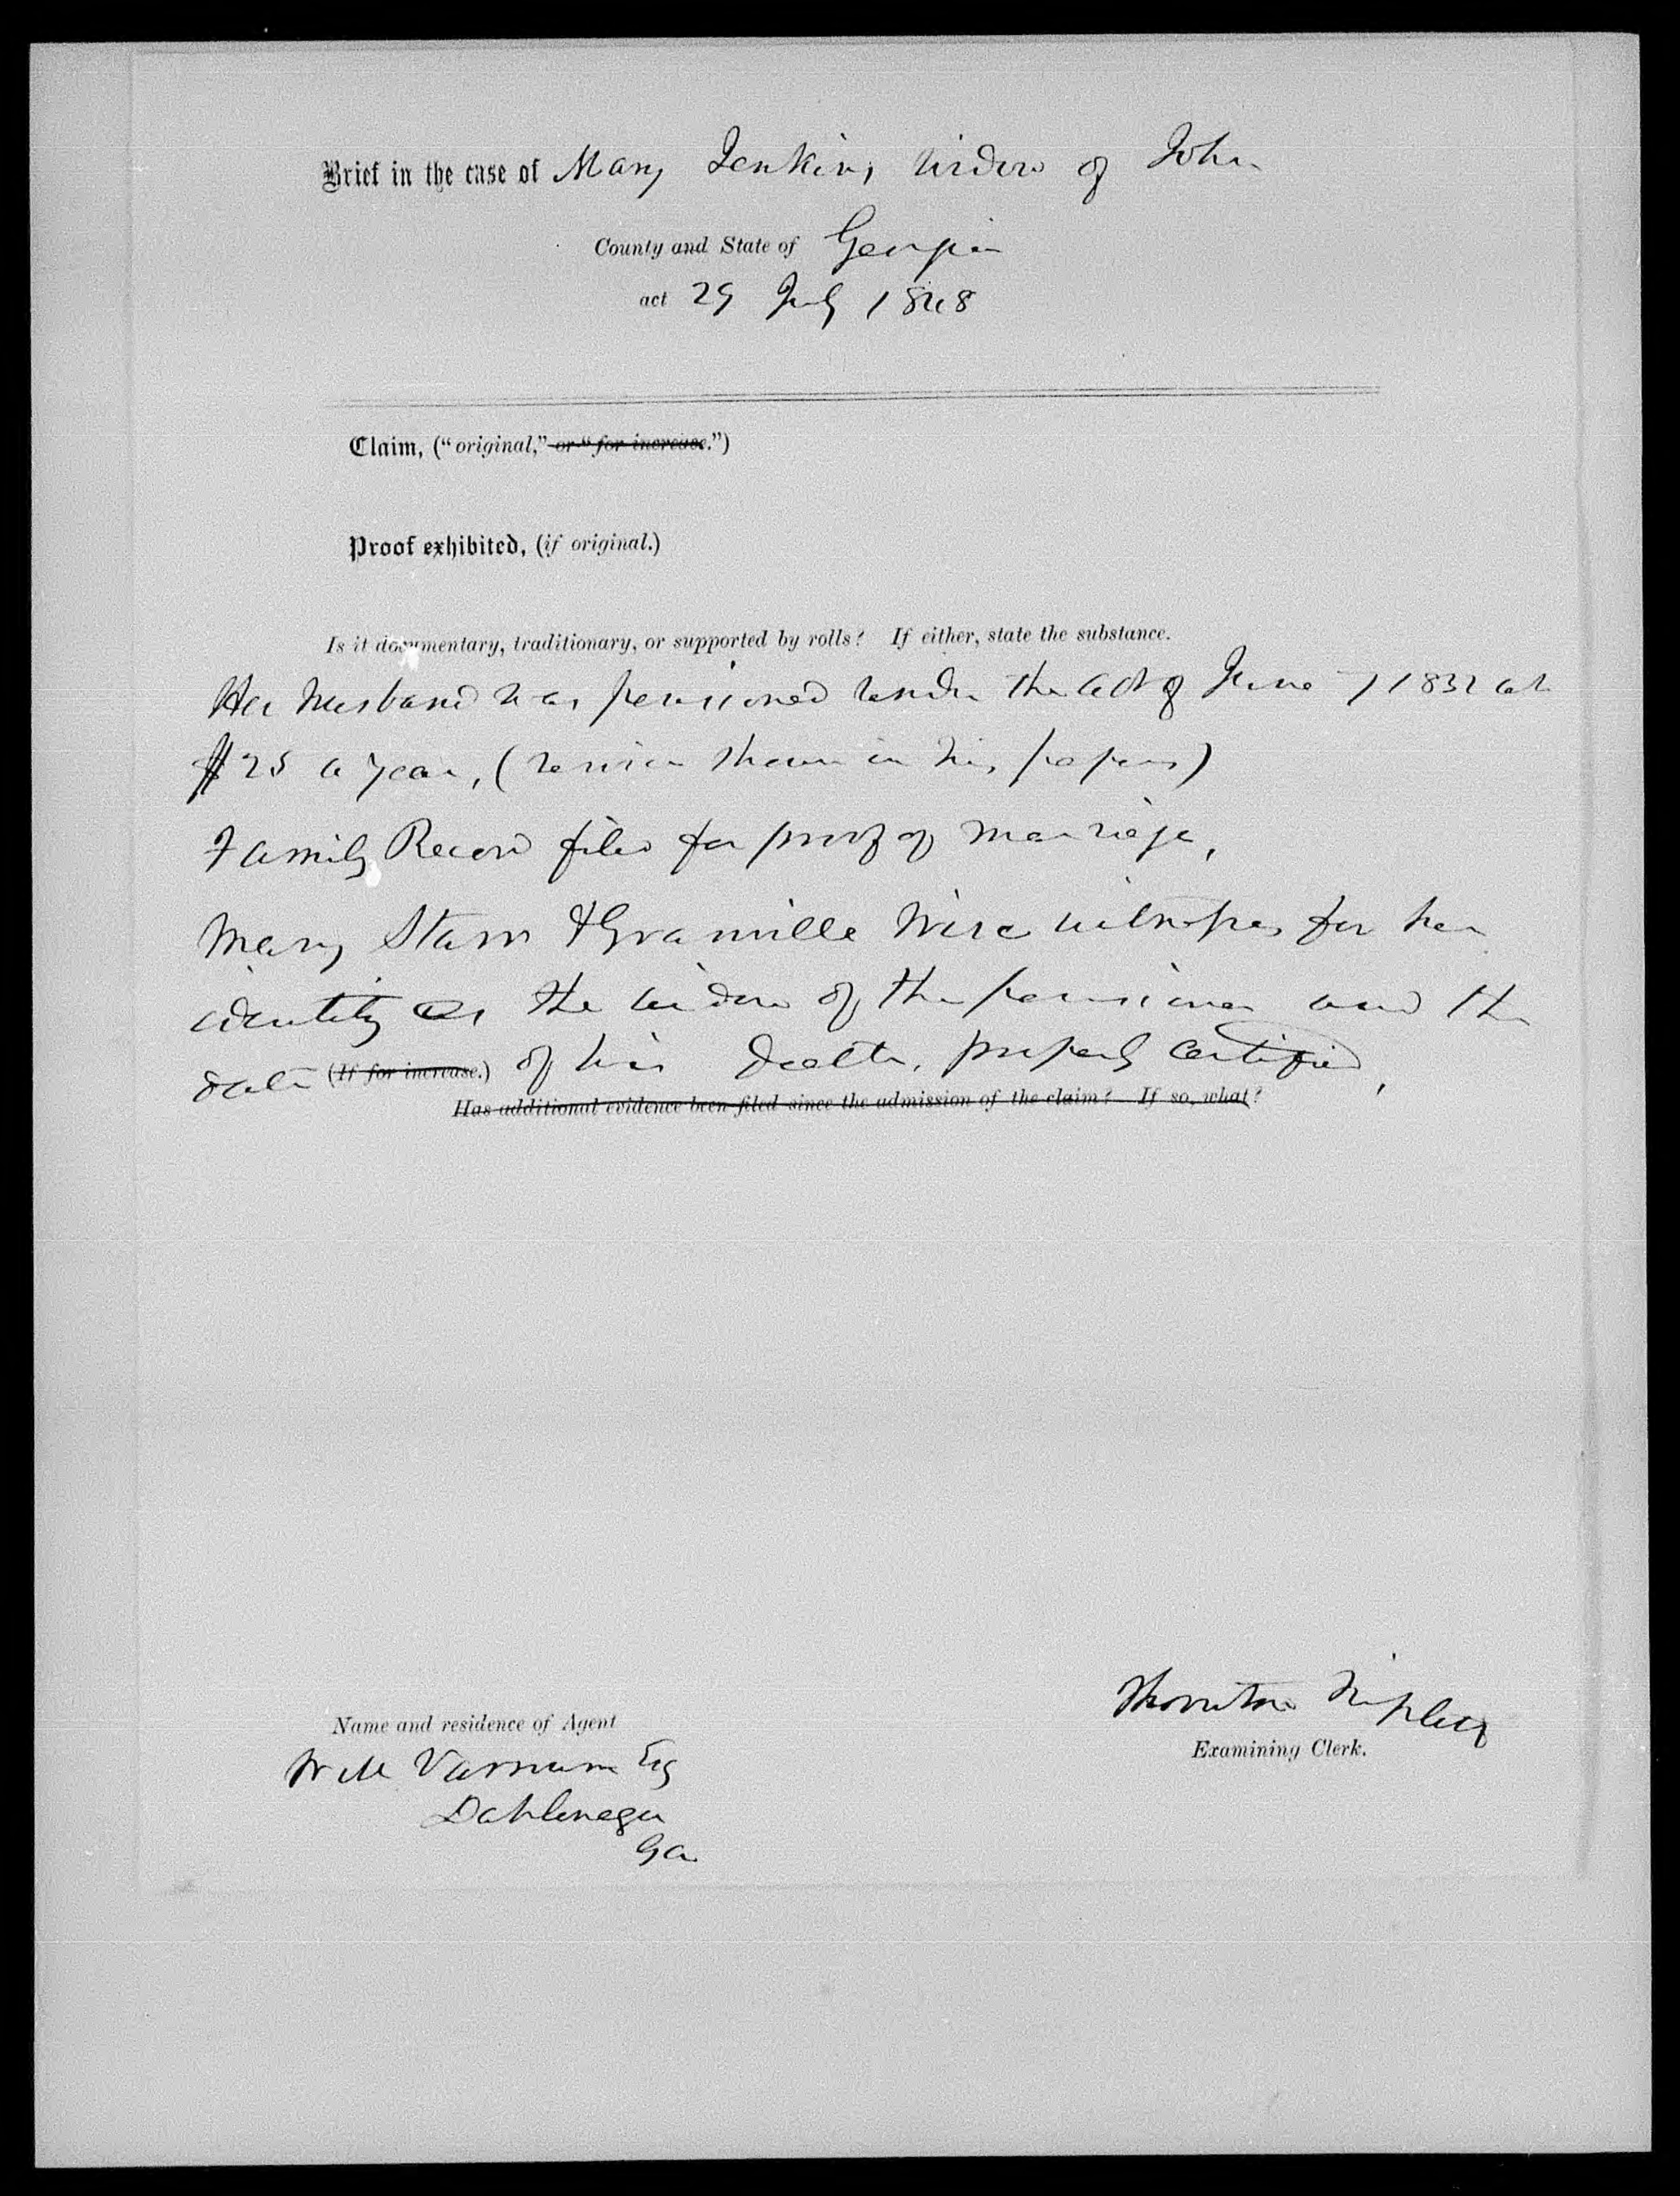Brief in the case of Mary Jenkins, widow of John
County and State of Georgia
act 29 July 1848
Claim, ("original," [or "for increase.")] [crossed out]
Proof exhibited, (if original.)
Is it documentary, traditionary, or supported by rolls? If either, state the substance.
Her husband was pensioned under the act of June 7 1832 at $25 a year, (service there in his papers) Family Record filed for proof of Marriage,
Mary Star & Granville Wise witness for her
identity as the widow of the pensioner and the
date [(If for increase.)] [crossed out] of his
death properly certified
[Has additional evidence been filed since the admission of the claim? If so, what?] [crossed out]
Name and residence of Agent
Will Varnum Esq
Dahlonega Ga.
Thornton Triplett
Examining Clerk.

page: 33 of 55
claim: widow's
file: W. 7894, for John Jenkins, Virginia